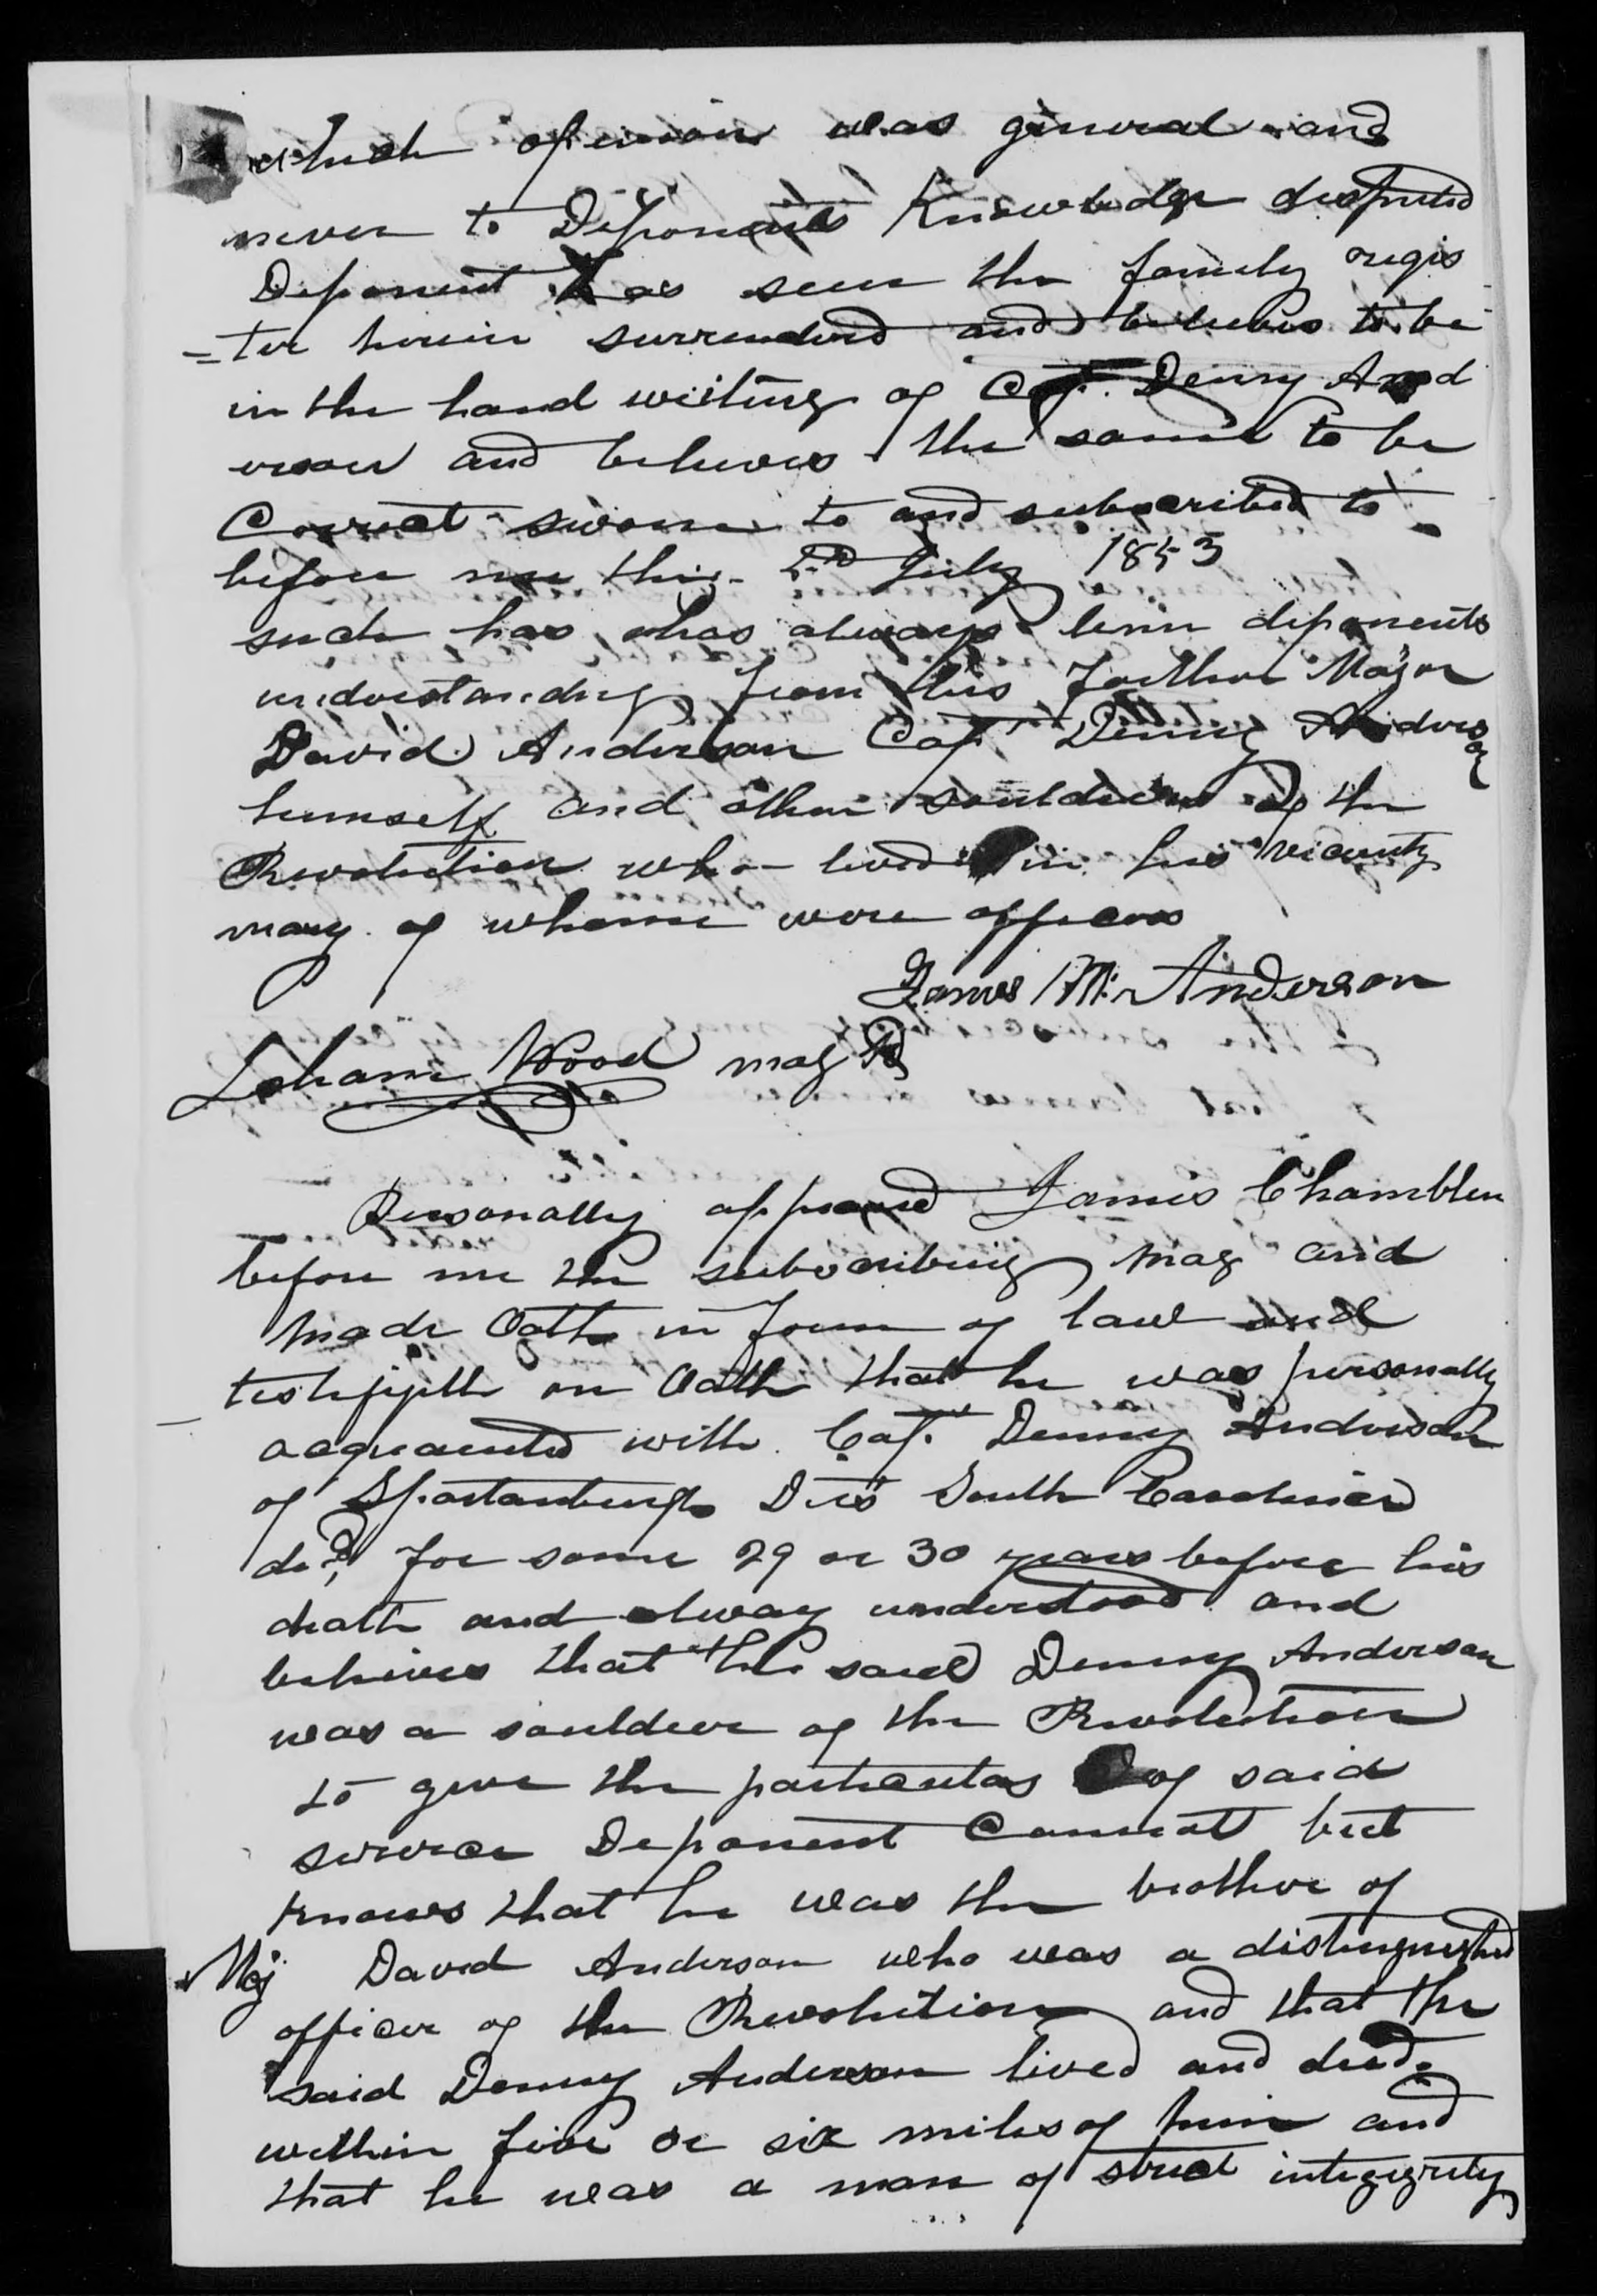which occasion was general and never to Deponents knowledge disputed Deponent has seen the family register herein surrendered and believes to be in the hand writing of Capt. Denny Anderson and believes the same to be correct sworn to and subscribed to before me this 2nd July 1853 such has has always been deponents understanding from this Farther Major David Anderson Capt. Denny Anderson himself and other soldiers of the Revolution who lived in his vicinity many of whom were officers
James M. Anderson
Isham Wood Mag SD

Personally appeared James Chamblin before me the subscribing mag and made oath in form of law and testifyeth on Oath that he was personally acquainted with Capt. Denny Anderson of Spartanburgh Dist. South Carolina decd. for some 29 or 30 years before his death and alway understood and believes that the said Denny Anderson was a soldier of the Revolution to give the particulars of said service deponent cannot but knows that he was the brother of Maj. David Anderson who was a distinguished officer of the Revolution and that the said Denny Anderson lived and died within five or six miles of him and that he was a man of strict integrity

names: Isham Wood, Denny Anderson, Denny Anderson, Denny Anderson, James M Anderson, Denny Anderson, Denny Anderson, David Anderson, David Anderson, James Chamblen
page: 10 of 51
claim: widow's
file: W. 9700, Denney Anderson, S.C.